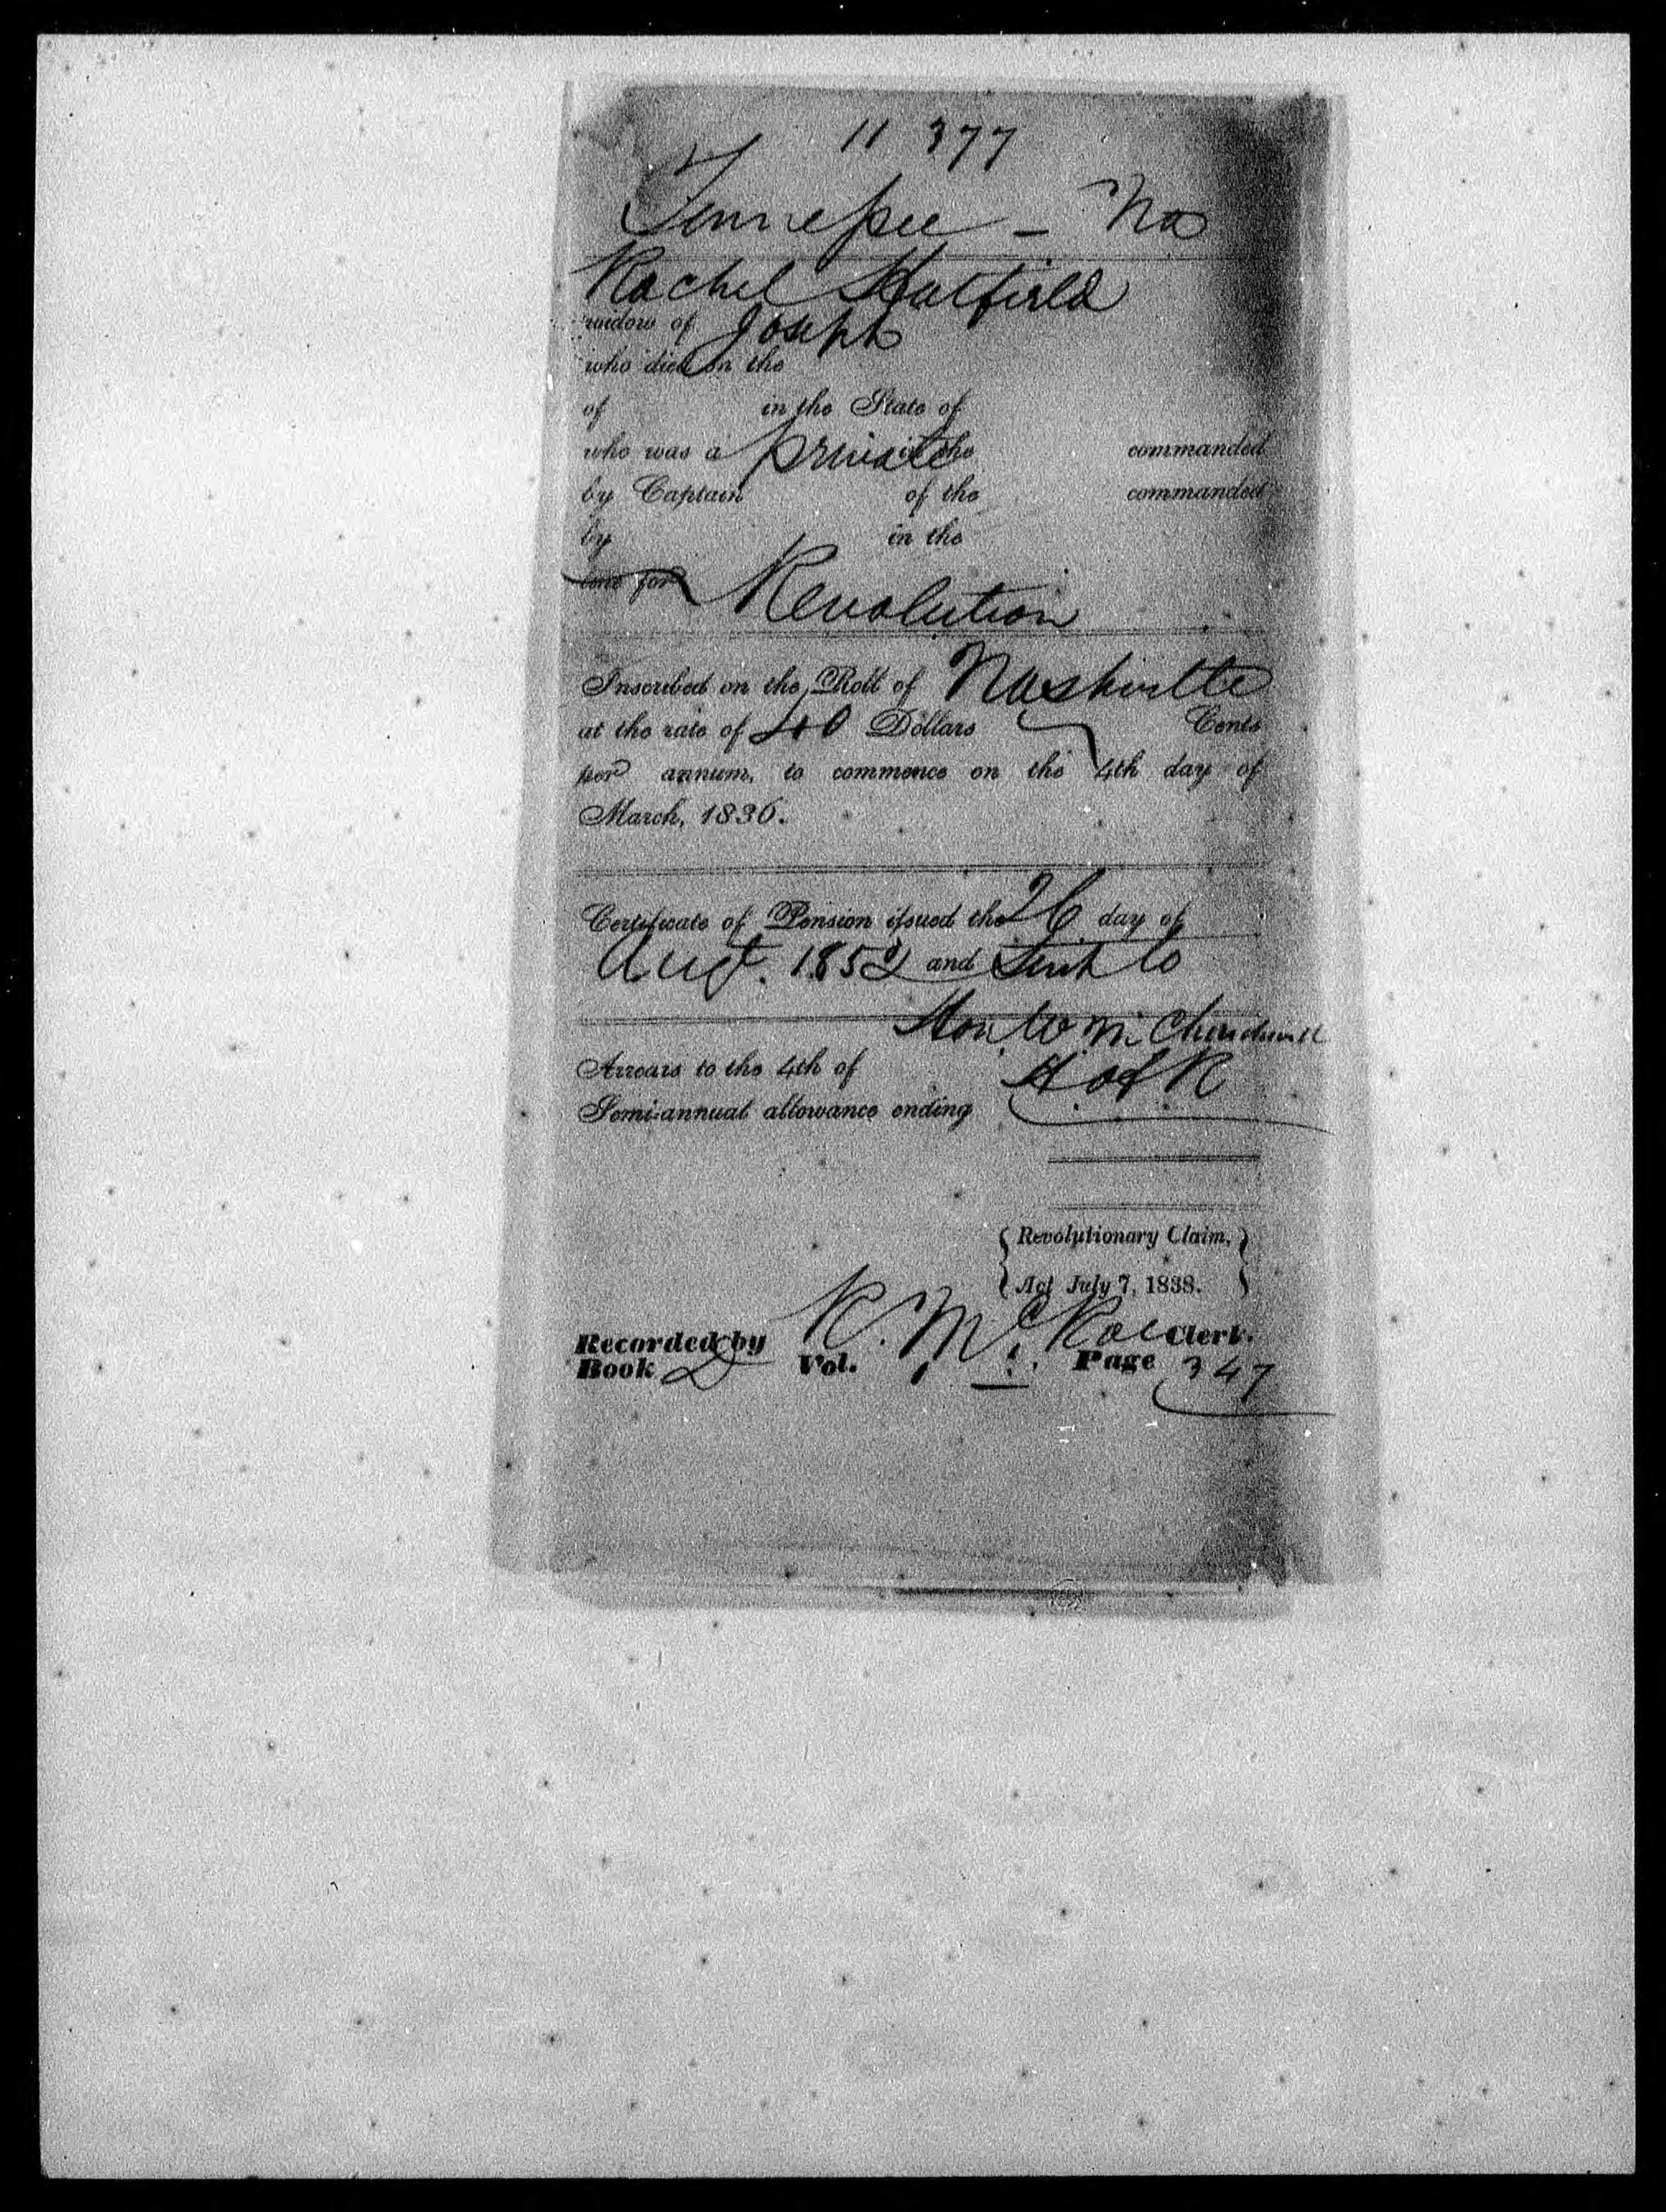11 377
Tennessee - Va
Rachel Hatfield
widow of Joseph
who died on the
of- in the State of
who was a private in the - commanded
by Captain - of the - commanded
by - in the 
Revolution

Inscribed on the Roll of Nashville
at the rate of 40 Dollars ~ Cents
per annum, to commence on the 4th day of
March, 1836.

Certificate of Pension issued the 26 day of
Augt. 1852 and sent to
Hon W M Churchwell
Arrears to the 4th of H of R
Semi-annual allowance ending

{Revolutionary Claim,
Act July 7, 1838.}
Recorded by R. M. Rae Clerk
Book D Vol. 1 - Page 347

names: W M Churchwell, Joseph Hatfield, R Mc Rae, Rachel Hatfield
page: 31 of 74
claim: widow's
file: W. 5, Joseph Hatfield, Va.